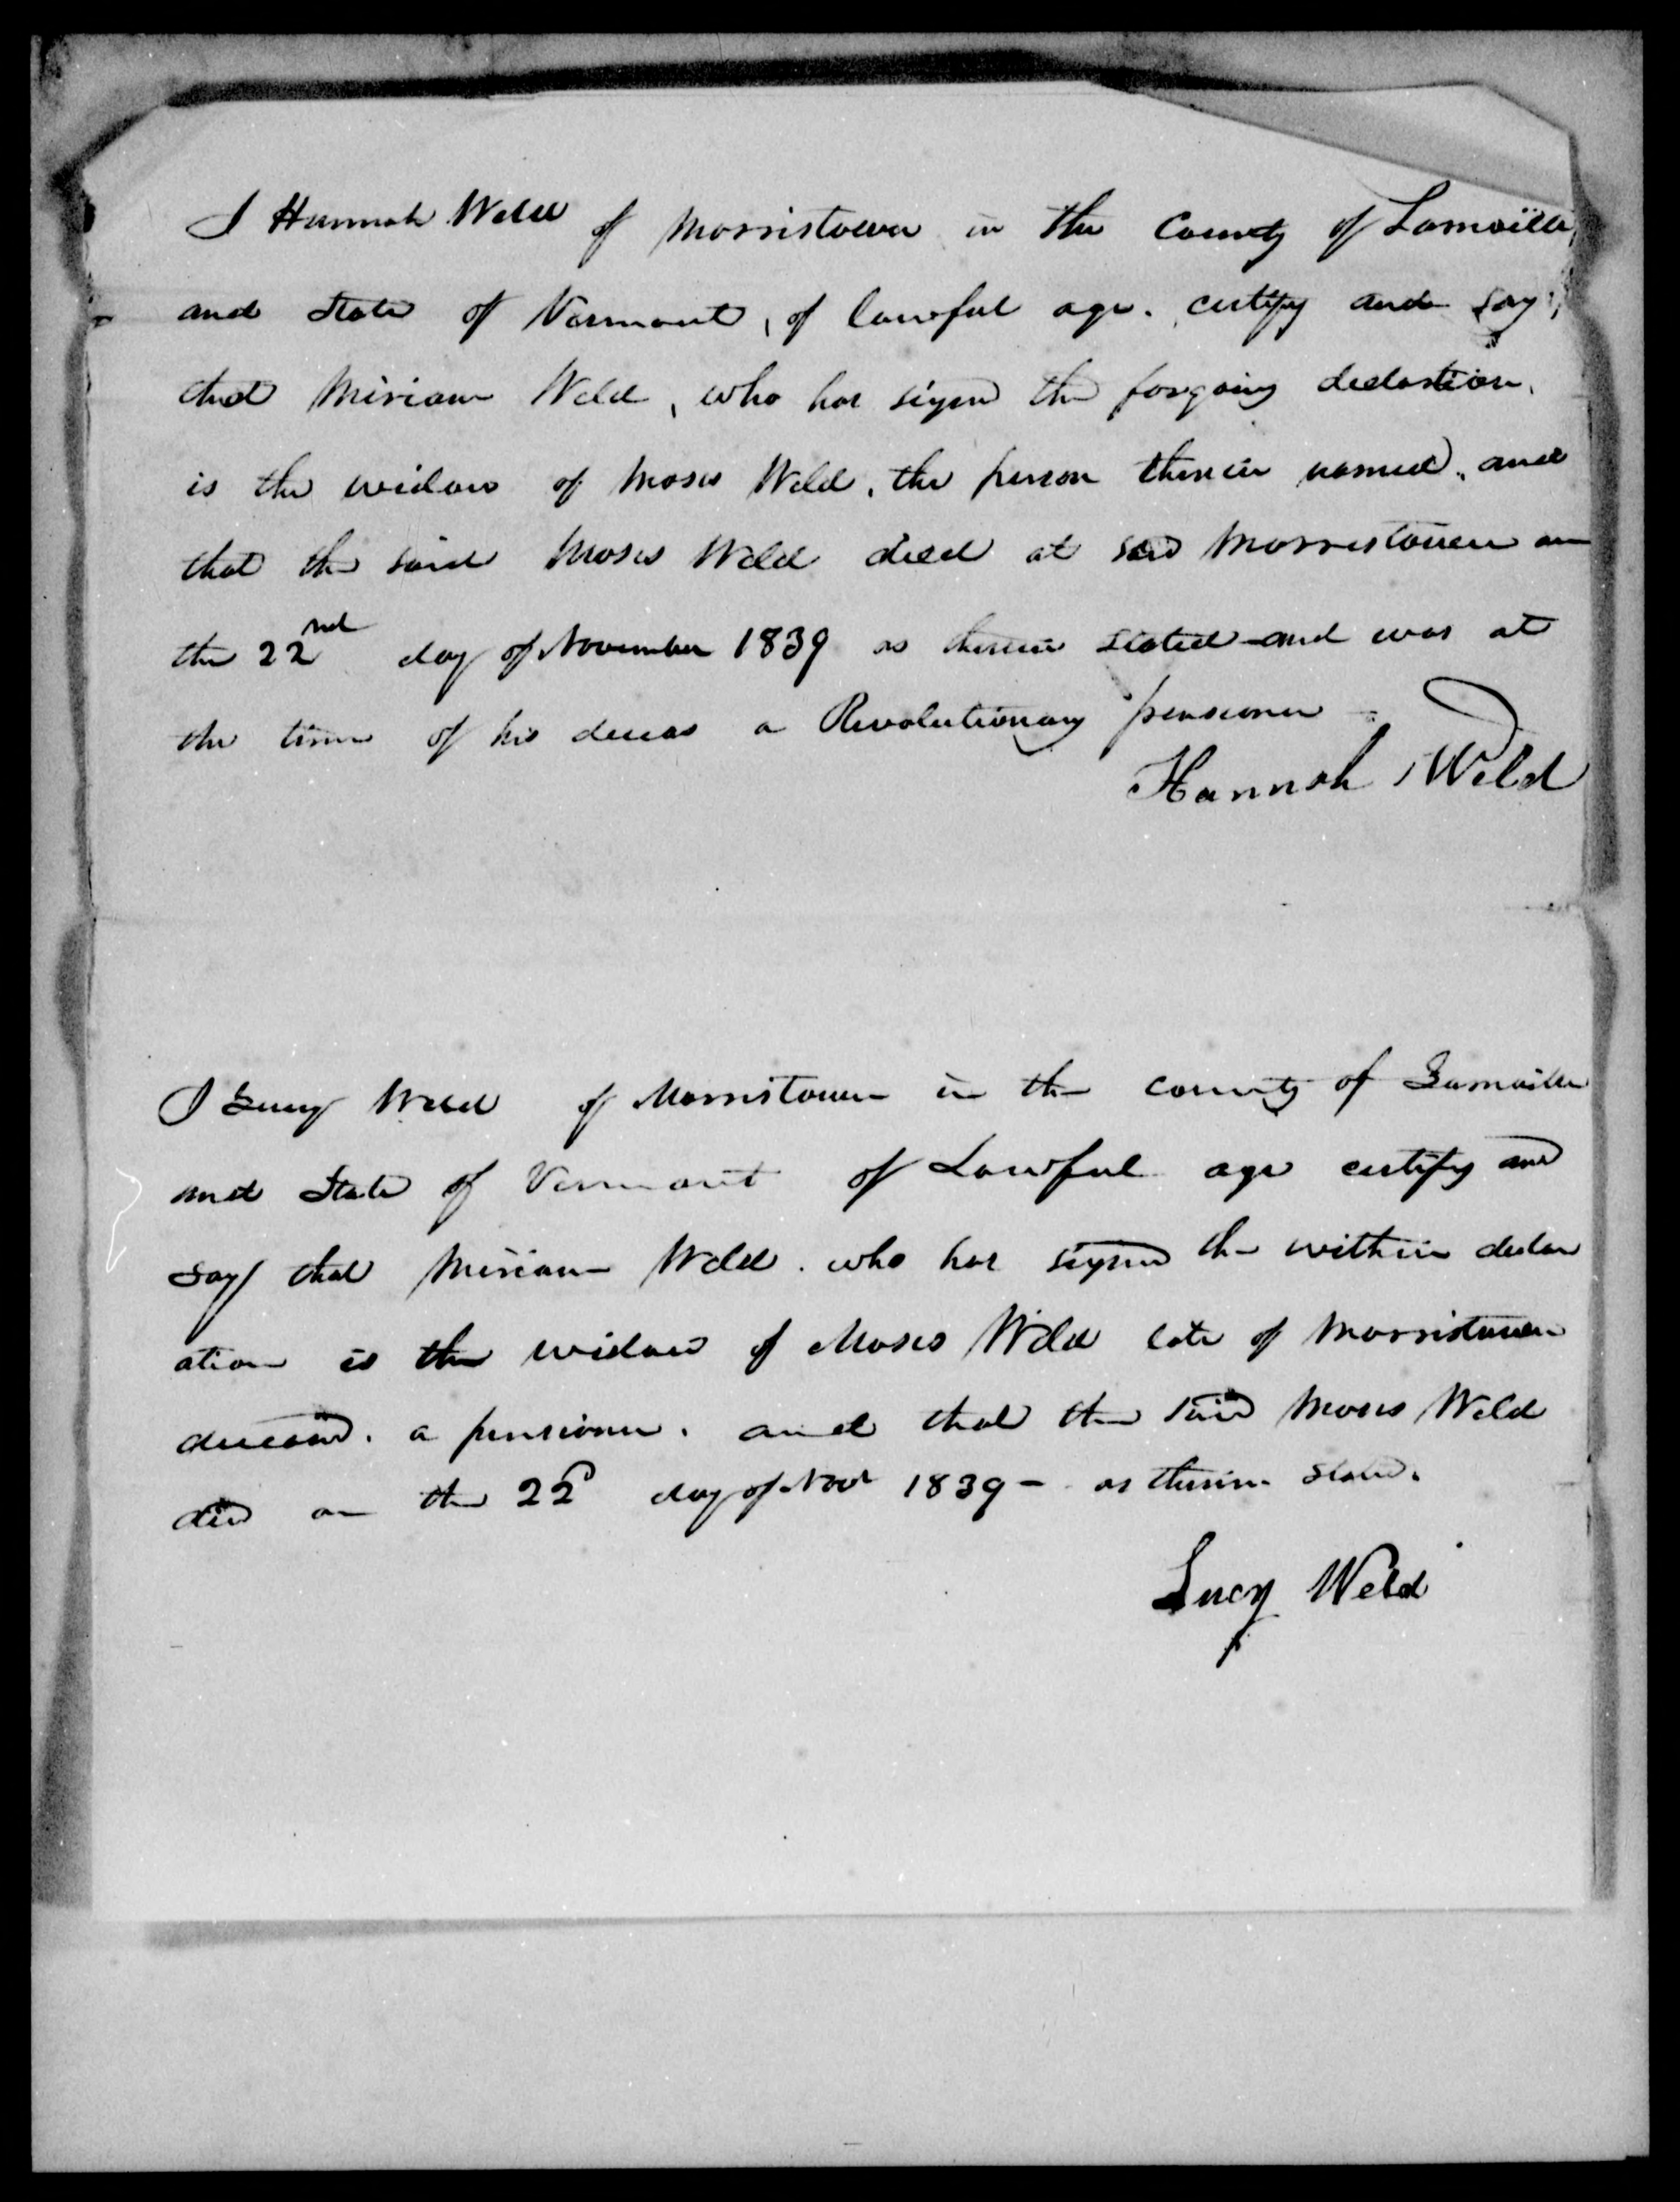I Hannah Weld of Morristown in the County of Lamoille and State of Vermont, of lawful age certify and say that Miriam Weld, who has signed the forgoing declartion is the widow of Moses Weld, the person therein named, and that the said Moses Weld died at said Morristown on the 22nd day of November 1839 as therein stated and was at
the time of his decease a Revolutionary pensioner
Hannah Weld

I Lucy Weld of Morristown in the County of Lamoille and State of Vermont of Lawful age certify and say that Miriam Will who has signed the within declaration is the widow of Moses Weld late of Morristown
deceased, a pensioner, and that the said Moses Weld died on the 22d day of Novr 1839 - as therein stated
Lucy Weld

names: Miriam Weld, Moses Weld, Hannah Weld, Lucy Weld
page: 15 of 87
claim: widow's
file: W. 25,966, Moses Weld, Mass.